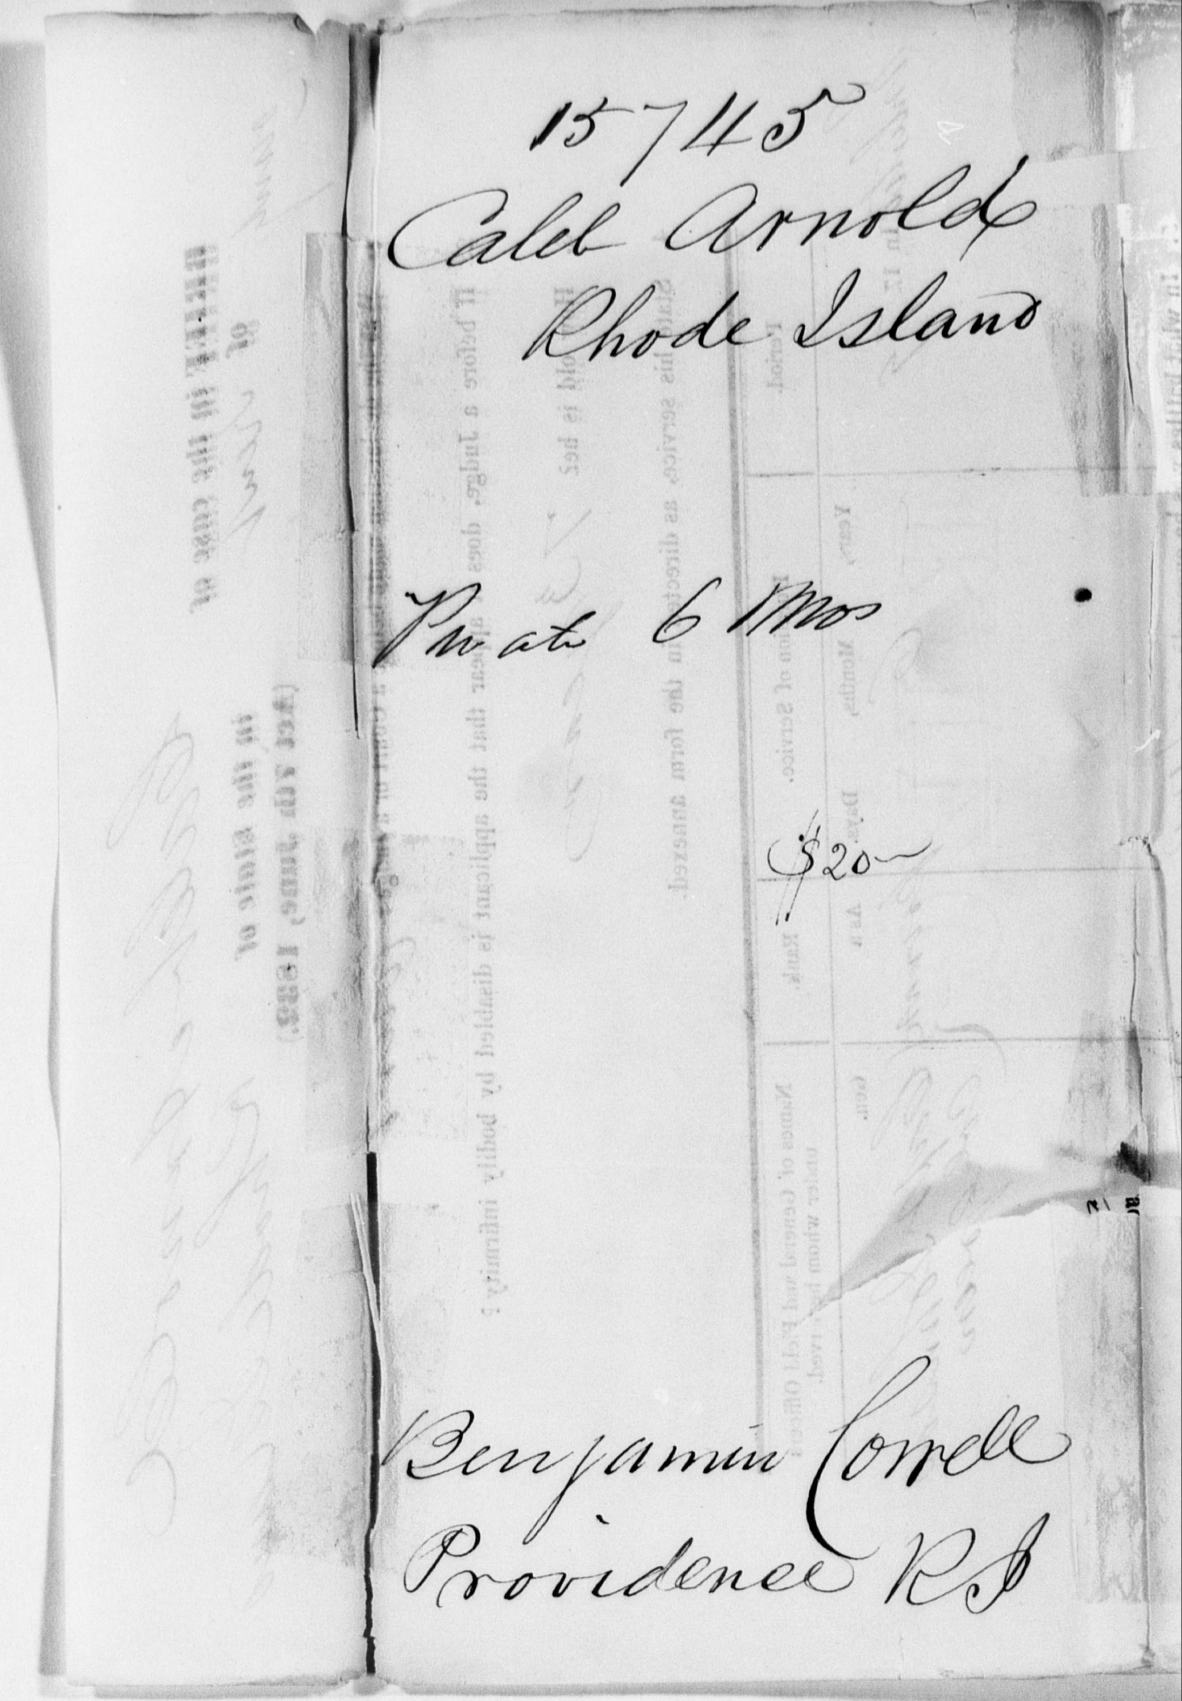15745
Caleb Arnold
Rhode Island
Private 6 Mo
$20~
Benjamin Cowell
Providence RI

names: Benjamin Cowell, Caleb Arnold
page: 5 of 29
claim: widow's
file: W. 2582, Caleb Arnold, R.I.